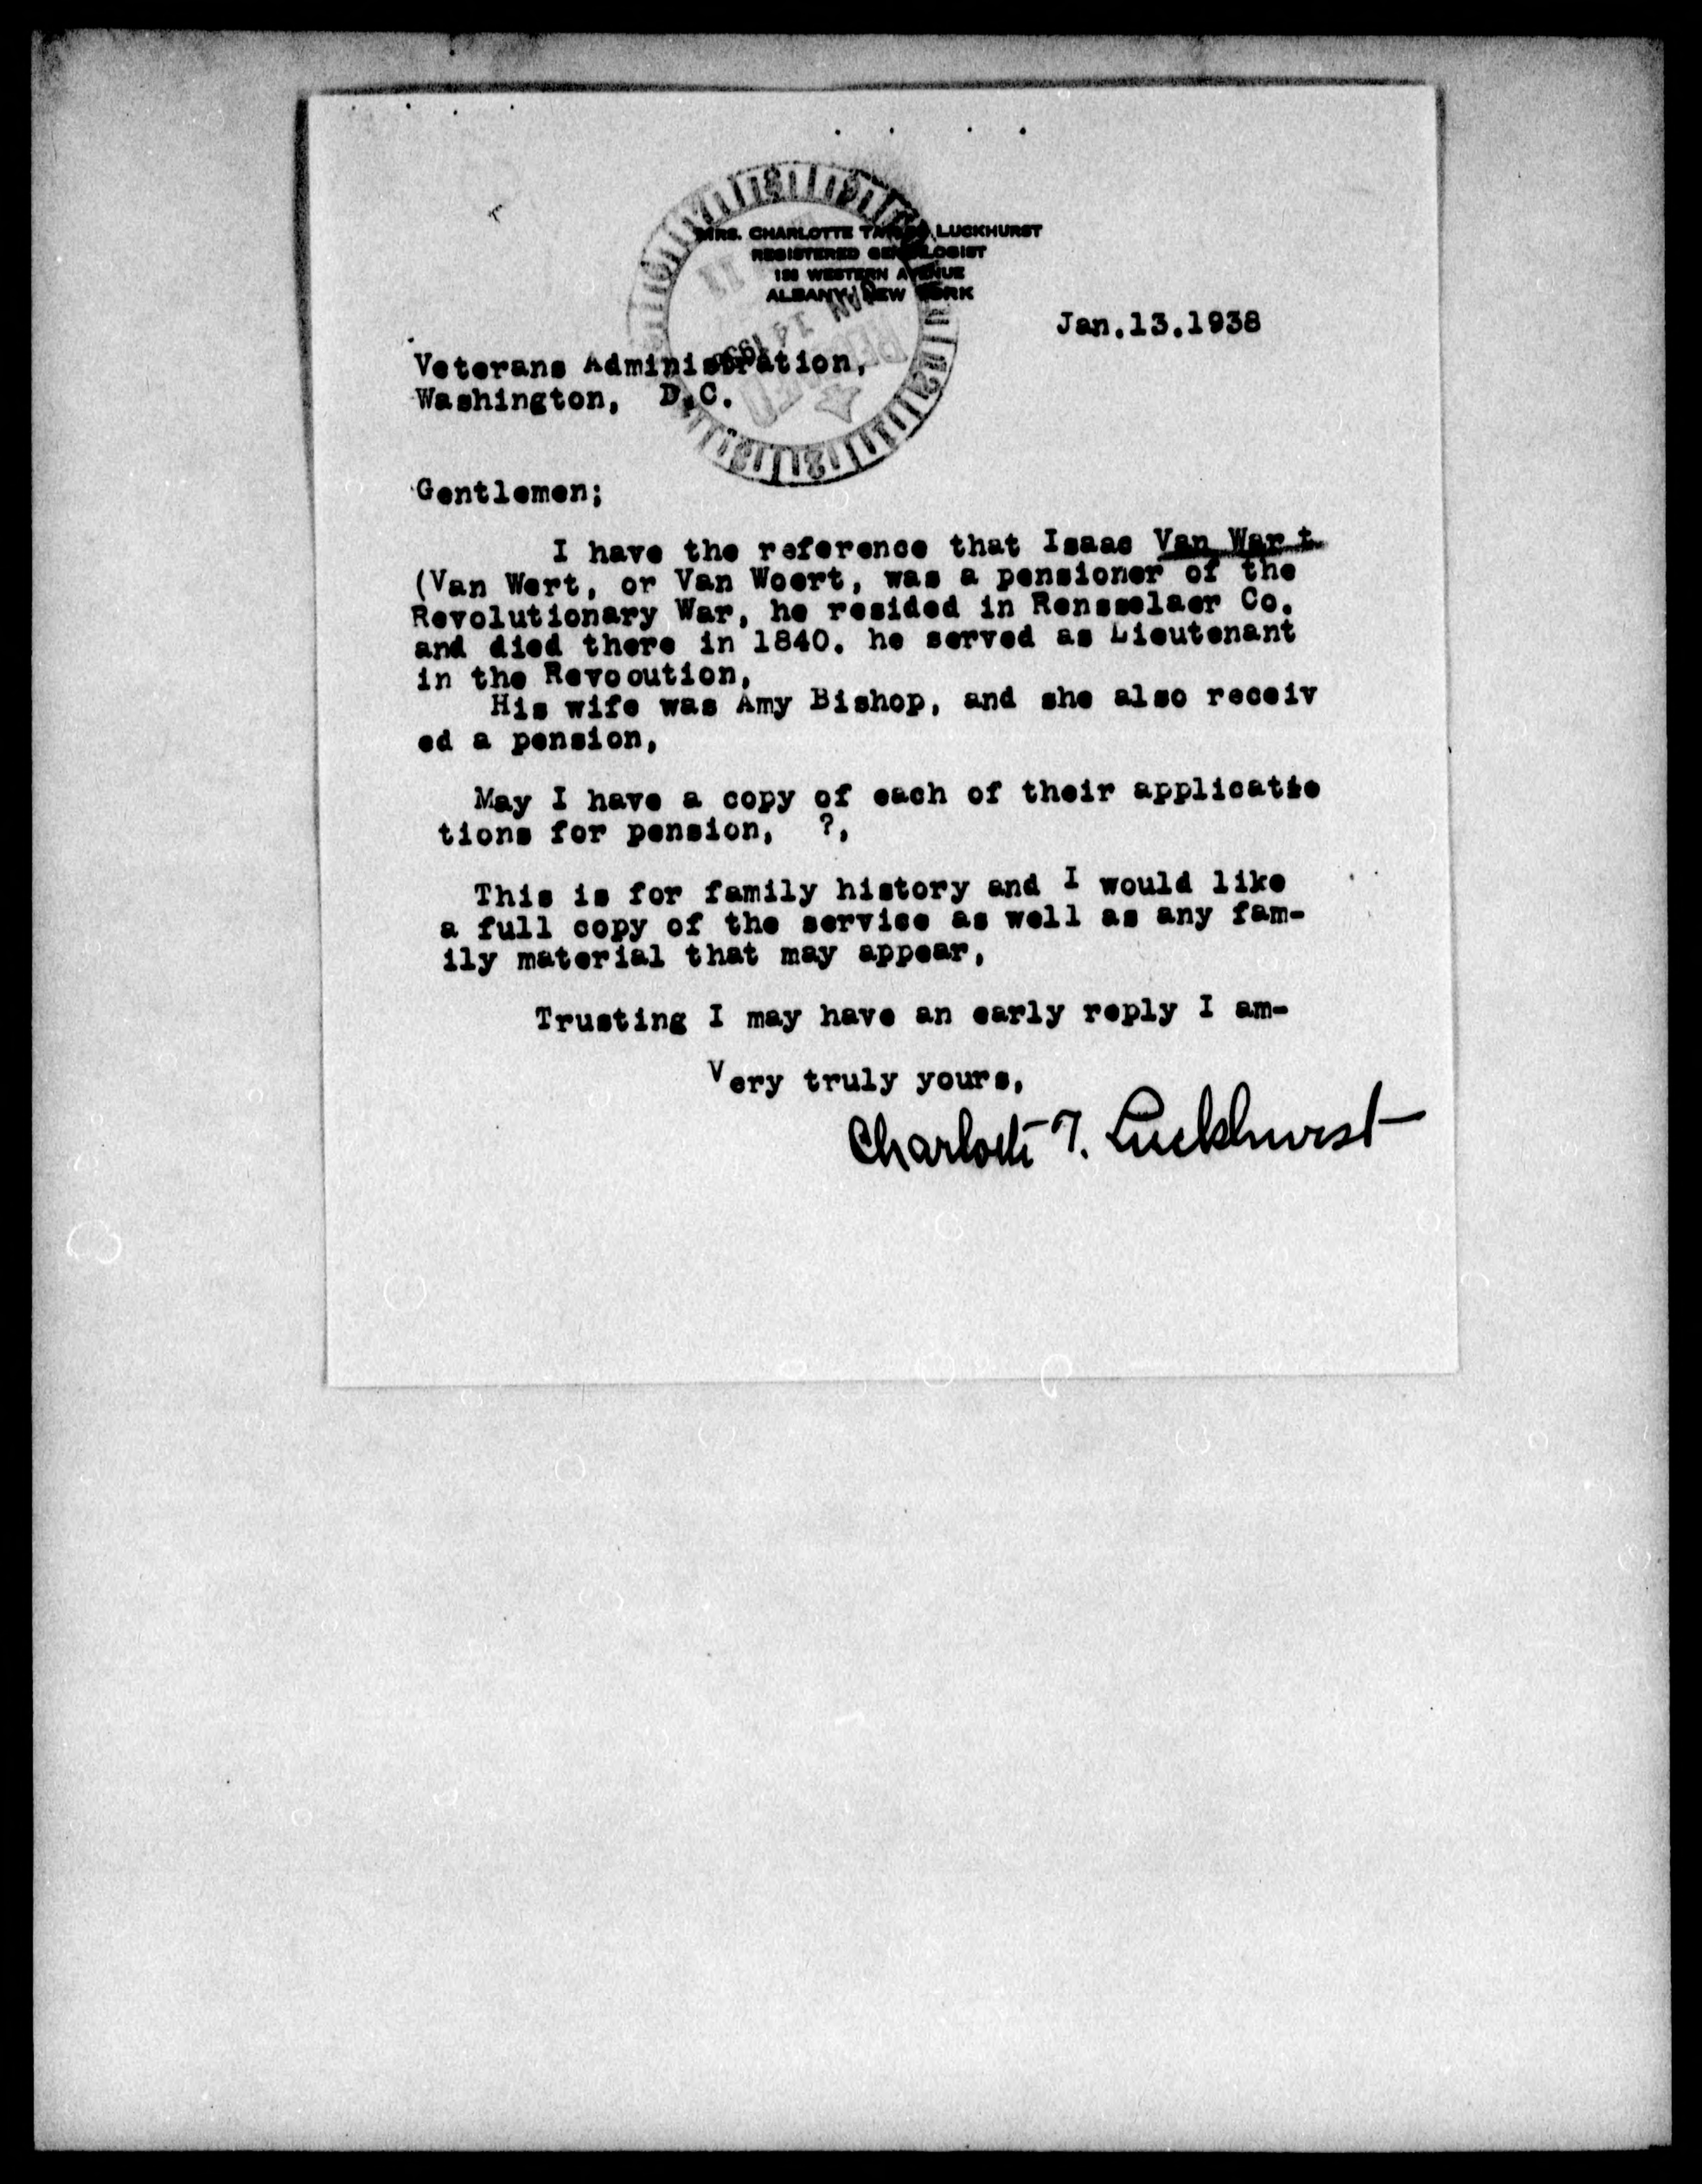Mrs. Charlotte [illegible] Luckhurst
Registered Geneologist
136 Western Avenue
Albany, New York
Jan. 13, 1938
Veterans Administration,
Washington, D.C.
Gentlemen; 
I have the reference that Isaac Van Wart (Van Wert, or Van Woert, was a pensioner of the Revolutionary War, he resided in Rensselaer Co. and died there in 1840, he served as Lieutenant in the Revolution,
His wife was Amy Bishop, and she also received a pension, 
May I have a copy of each of their applications for pension, ?,
This is for family history and I would like a full copy of the service as well as any family material that may appear, 
Trusting I may have an early reply I am –
Very truly yours, 
[signed] Charlotte T. Luckhurst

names: Amy Bishop, Isaac Van Wart, Charlotte T Luckhurst, Isaac Van Wert, Charlotte Thomas Luckhurst, Isaac Van Woert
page: 20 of 102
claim: widow's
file: W. 18239, Isaac Van Wart, New York